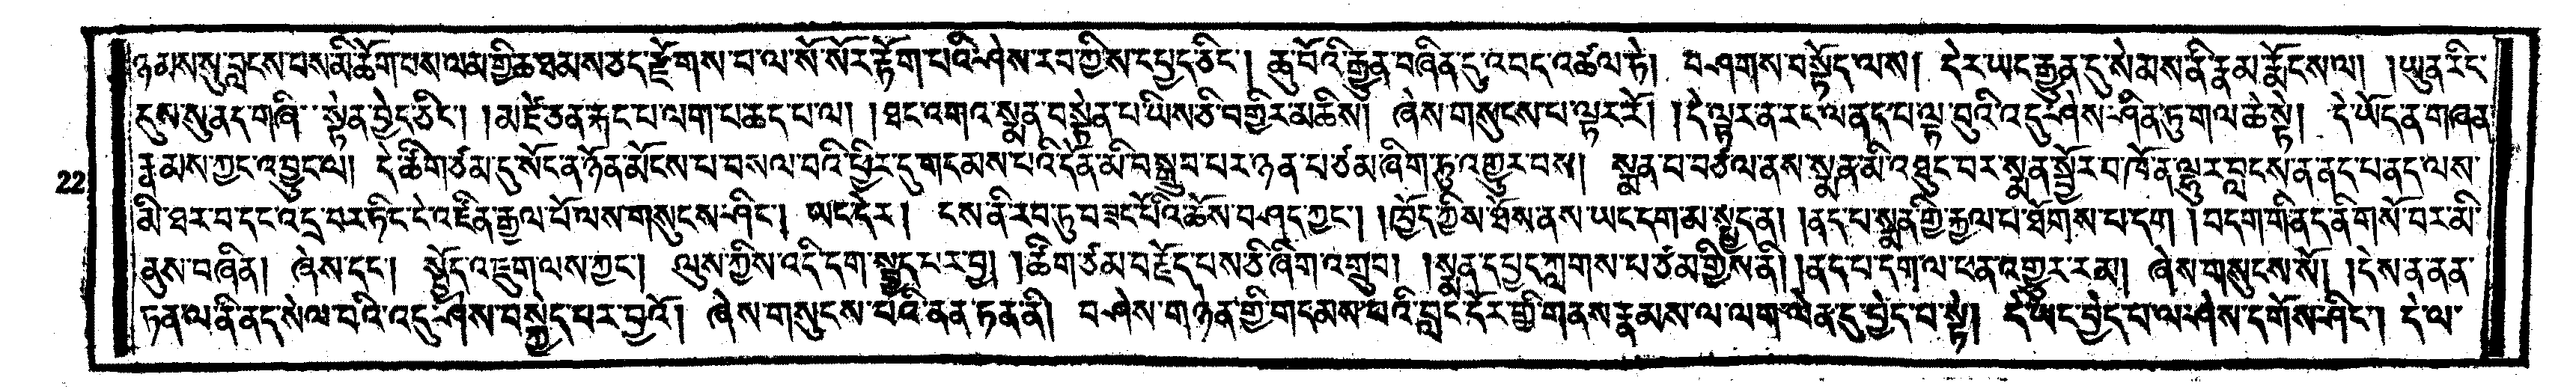ཉམས་སུ་བླངས་པས་མི་ཆོག་པས་ལམ་གྱི་ཆ་ཐམས་ཅད་རྫོགས་པ་ལ་སོ་སོར་རྟོག་པའི་ཤེས་རབ་ཀྱིས་དཔྱད་ཅིང་། ཆུ་བོའི་རྒྱུན་བཞིན་དུ་འབད་འཚལ་ཏེ། བཤགས་བསྟོད་ལས། དེར་ཡང་རྒྱུན་དུ་སེམས་ནི་རྣམ་རྨོངས་ལ། །ཡུན་རིང་
དུས་སུ་ནད་གཞི་སྟེན་བྱེད་ཅིང་། །མཛེ་ཅན་རྐང་པ་ལག་པ་ཆད་པ་ལ། །ཐང་འགའ་སྨན་བསྟེན་པ་ཡིས་ཅི་བགྱིར་མཆིས། ཞེས་གསུངས་པ་ལྟར་རོ། །དེ་ལྟར་ན་རང་ལ་ནད་པ་ལྟ་བུའི་འདུ་ཤེས་ཤིན་ཏུ་གལ་ཆེ་སྟེ། དེ་ཡོད་ན་གཞན་
རྣམས་ཀྱང་འབྱུང་ལ། དེ་ཚིག་ཙམ་དུ་སོང་ན་ཉོན་མོངས་པ་བསལ་བའི་ཕྱིར་དུ་གདམས་པའི་དོན་མི་བསྒྲུབ་པར་ཉན་པ་ཙམ་ཞིག་ཏུ་འགྱུར་བས། སྨན་པ་བཙལ་ནས་སྨན་མི་འཐུང་བར་སྨན་སྦྱོར་བ་ཁོ་ན་ལྷུར་བླངས་ན་ནད་པ་ནད་ལས་
མི་ཐར་བ་དང་འདྲ་བར་ཏིང་ངེ་འཛིན་རྒྱལ་པོ་ལས་གསུངས་ཤིང་། ཡང་དེར། ངས་ནི་རབ་ཏུ་བཟང་པོའི་ཆོས་བཤད་ཀྱང་། །ཁྱོད་ཀྱིས་ཐོས་ནས་ཡང་དག་མ་སྤྱད་ན། །ནད་པ་སྨན་གྱི་རྐྱལ་པ་ཐོགས་པ་དག །བདག་གི་ནད་ནི་གསོ་བར་མི་
ནུས་བཞིན། ཞེས་དང་། སྤྱོད་འཇུག་ལས་ཀྱང་། ལུས་ཀྱིས་འདི་དག་སྦྱད་པར་བྱ། །ཚིག་ཙམ་བརྗོད་པས་ཅི་ཞིག་འགྲུབ། །སྨན་དཔྱད་ཀླགས་པ་ཙམ་གྱིས་ནི། །ནད་པ་དག་ལ་ཕན་འགྱུར་རམ། ཞེས་གསུངས་སོ། །དེས་ན་ནན་
ཏན་ལ་ནི་ནད་སེལ་བའི་འདུ་ཤེས་བསྐྱེད་པར་བྱའོ། །ཞེས་གསུངས་པའི་ནན་ཏན་ནི། བཤེས་གཉེན་གྱི་གདམས་པའི་བླང་དོར་གྱི་གནས་རྣམས་ལ་ལག་ལེན་དུ་བྱེད་པ་སྟེ། དེ་ཡང་བྱེད་པ་ལ་ཤེས་དགོས་ཤིང་། དེ་ལ་